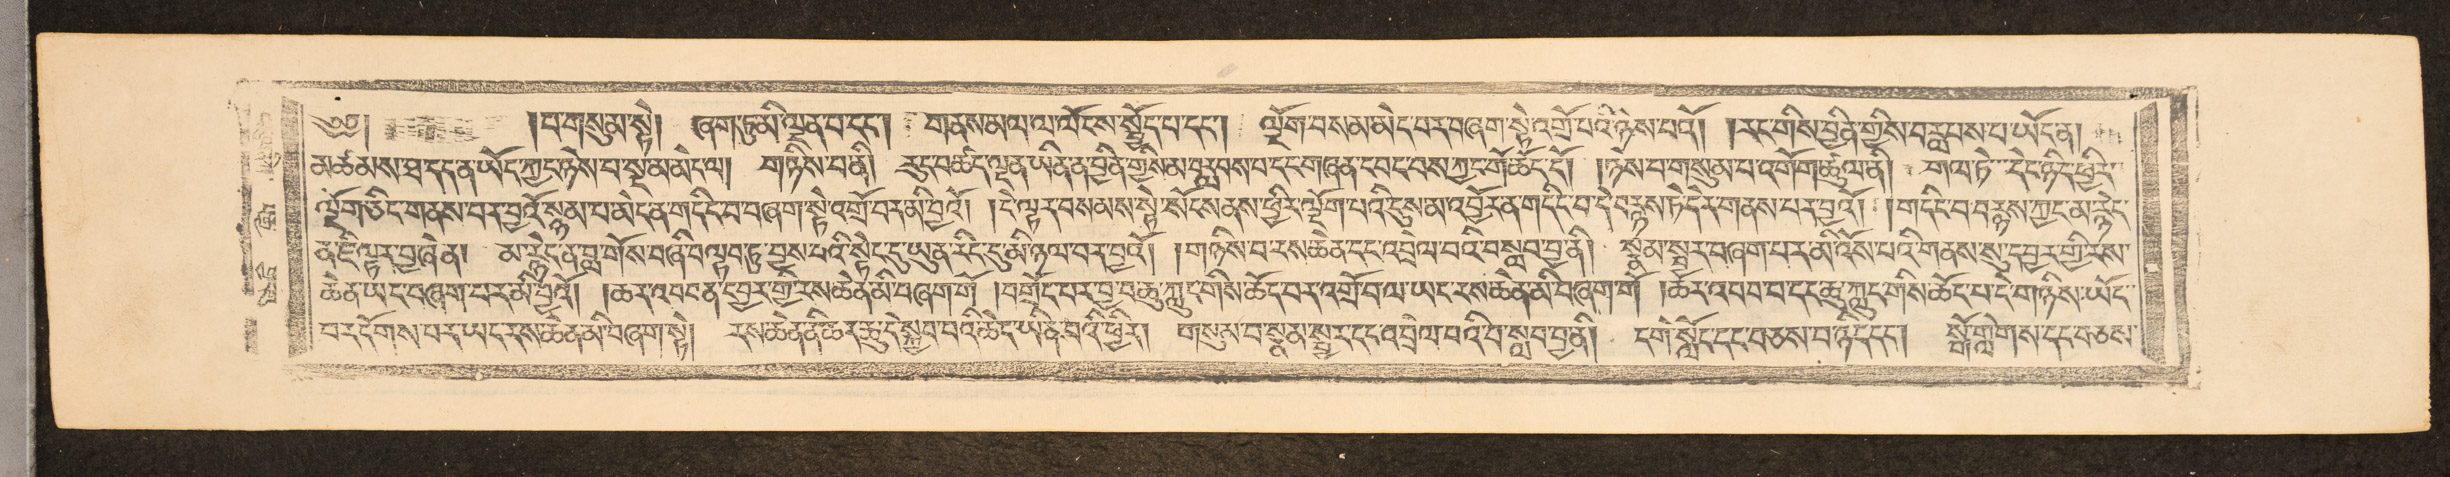༄༅། །པ་གསུམ་སྟེ། ཞག་ཏུ་མི་ལྡན་པ་དང་། གནས་མལ་ལ་ལོངས་སྤྱོད་པ་དང་། ལྡོག་བསམ་མེད་པར་བཞག་སྟེ་འགྲོ་བའི་ཉེས་པའོ། །རང་གིས་བྱིན་གྱིས་བརླབས་པ་ཡོད་ན།
མཚམས་ཐ་དད་ན་ཡོད་ཀྱང་ཉེས་པ་སྔ་མ་མེད་ལ། གཉིས་པ་ནི། རུང་བ་ཚད་ལྡན་ཡིན་ན་བྱིན་གྱིས་མ་བརླབས་པ་དང་གཞན་དབང་བས་ཀྱང་གོ་ཆོད་དོ། །ཉེས་པ་གསུམ་པ་འགོག་ཚུལ་ནི། གལ་ཏེ་དེང་ཉིད་ཕྱིར་
ལྡོག་ཅིང་གནས་པར་བྱའོ་སྙམ་པ་མེད་ན་གདིང་བ་བཞག་སྟེ་འགྲོ་བར་མི་བྱའོ། །དེ་ལྟར་བསམས་སྟེ་སོངས་ནས་ཕྱིར་ལྡོག་པའི་དུས་མ་འབྱོར་ན་གདིང་བ་དེ་བརྙས་ཏེ་དེར་གནས་པར་བྱའོ། །གདིང་བ་བརྙས་ཀྱང་མ་རྙེད་
ན་ཇི་ལྟར་བྱ་ཞེ་ན། མ་རྙེད་ན་བླ་གོས་བཞི་བལྟབ་ཏུ་བྱས་པའི་སྟེང་དུ་ཡུན་རིང་དུ་མི་ཉལ་བར་བྱའོ། །གཉིས་པ་རས་ཆེན་དང་འབྲེལ་བའི་བསླབ་བྱ་ནི། སྣམ་སྦྱར་བཞག་པར་མི་འོས་པའི་གནས་སུ་དབྱར་གྱི་རས་
ཆེན་ཡང་བཞག་པར་མི་བྱའོ། །ཆར་འབབ་ན་དབྱར་གྱི་རས་ཆེན་མི་བཞག་གོ །བགྲོད་པར་བྱ་བ་ཆུ་ཀླུང་གིས་ཆོད་པར་འགྲོ་བ་ལ་ཡང་རས་ཆེན་མི་བཞག་གོ །ཆར་འབབ་པ་དང་ཆུ་ཀླུང་གིས་ཆོད་པ་དེ་གཉིས་ཡོད་
པར་དོགས་པར་ཡང་རས་ཆེན་མི་བཞག་སྟེ། རས་ཆེན་ནི་ཆར་ཆུ་དེ་སྐྱབ་པའི་ཆེད་ཡིན་པའི་ཕྱིར། གསུམ་པ་སྣམ་སྦྱར་དང་འབྲེལ་པའི་བསླབ་བྱ་ནི། དགེ་སློང་དང་བཅས་པ་ཉིད་དང་། སྒོ་གླེགས་དང་བཅས་